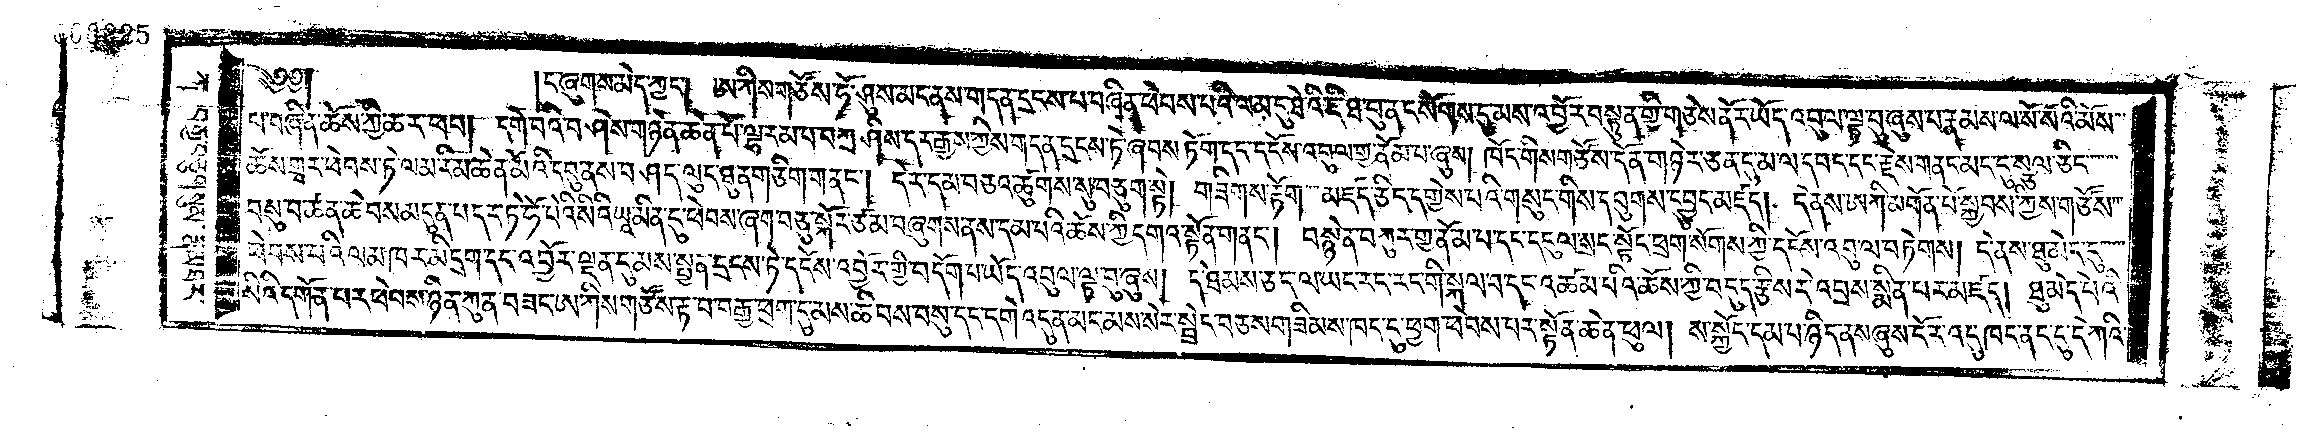༄༅། །བཞུགས་མེད་ཀྱང་། ཨ་ཀིས་གཙོས་ཧོ་ཤུས་མང་ནས་གདན་དྲངས་པ་བཞིན་ཕེབས་པའི་ལམ་དུ་ཐེའི་ཇི་ཐ་བུ་ནང་སོགས་དུམས་འབྱོར་བསྟུན་གྱི་གཅེས་ནོར་ཡོད་འབུལ་ལྟ་བུ་ཞུས་པ་རྣམས་ལ་སོ་སོའི་མོས་
པ་བཞིན་ཆོས་ཀྱི་ཆར་ཕབ། དགེ་བའི་བཤེས་གཉེན་ཆེན་པོ་ལྷ་རམ་པ་བཀྲ་ཤིས་དར་རྒྱས་ཀྱིས་གདན་དྲངས་ཏེ་ཞབས་ཏོག་དང་དངོས་འབུལ་གྱ་ནོམ་པ་ཞུས། ཁོང་གིས་གཙོས་དོན་གཉེར་ཅན་དུ་མ་ལ་དབང་དང་རྗེས་གནང་མང་དུ་སྩལ་ཅིང་
ཆོས་གྲྭ་ཕེབས་ཏེ་ལམ་རིམ་ཆེན་མོའི་དབུ་ནས་བཤད་ལུང་ཐུན་གཅིག་གནང་། དེར་དམ་བཅའ་ཚུགས་སུ་བཅུག་སྟེ། གཟིགས་རྟོག་མཛད་ཅིང་དགྱེས་པའི་གསུང་གིས་དབུགས་དབྱུང་མཛད། དེ་ནས་ཨ་ཀི་མགོན་པོ་སྐྱབས་ཀྱིས་གཙོས་
བསུ་བ་ཚན་ཆེབས་མདུན་བདར་ཏེ་ཧོ་པེའི་སིའི་ཡཱ་མིན་དུ་ཕེབས་ཞག་བཅུ་སྐོར་ཙམ་བཞུགས་ནས་དམ་པའི་ཆོས་ཀྱི་དགའ་སྟོན་གནང་། བསྙེན་བཀུར་གྱ་ནོམ་པ་དང་དངུལ་སྲང་སྟོང་ཕྲག་སོགས་ཀྱི་དངོས་འབུལ་བཏེགས། དེ་ནས་ཐུ་མེད་དུ་
ཕེབས་པའི་ལམ་ཁར་མི་དྲག་དང་འབྱོར་ལྡན་དུ་མས་སྤྱན་དྲངས་ཏེ་དངོས་འབྱོར་གྱི་བདོག་པ་ཡོད་འབུལ་ལྟ་བུ་ཞུས། དེ་ཐམས་ཅད་ལ་ཡང་རང་རང་གི་སྐལ་བ་དང་འཚམ་པའི་ཆོས་ཀྱི་བདུད་རྩིས་རེ་འབྲས་སྨིན་པར་མཛད། ཐུ་མེད་པའི་
སིའི་དགོན་པར་ཕེབས་ཉིན་ཀུན་བཟང་ཨ་ཀིས་གཙོས་རྟ་པ་བརྒྱ་ཕྲག་དུ་མ་འཆིབས་བསུ་དང་དགེ་འདུན་མང་མས་སེར་སྦྲེང་བཅས་གཟིམས་ཁང་དུ་ཕྱག་ཕེབས་པར་སྟོན་ཆེན་ཕུལ། ས་སྐྱོང་དམ་པ་ཉིད་ནས་ཞུས་ངོར་འདུ་ཁང་ནང་དུ་དེ་ཀའི་